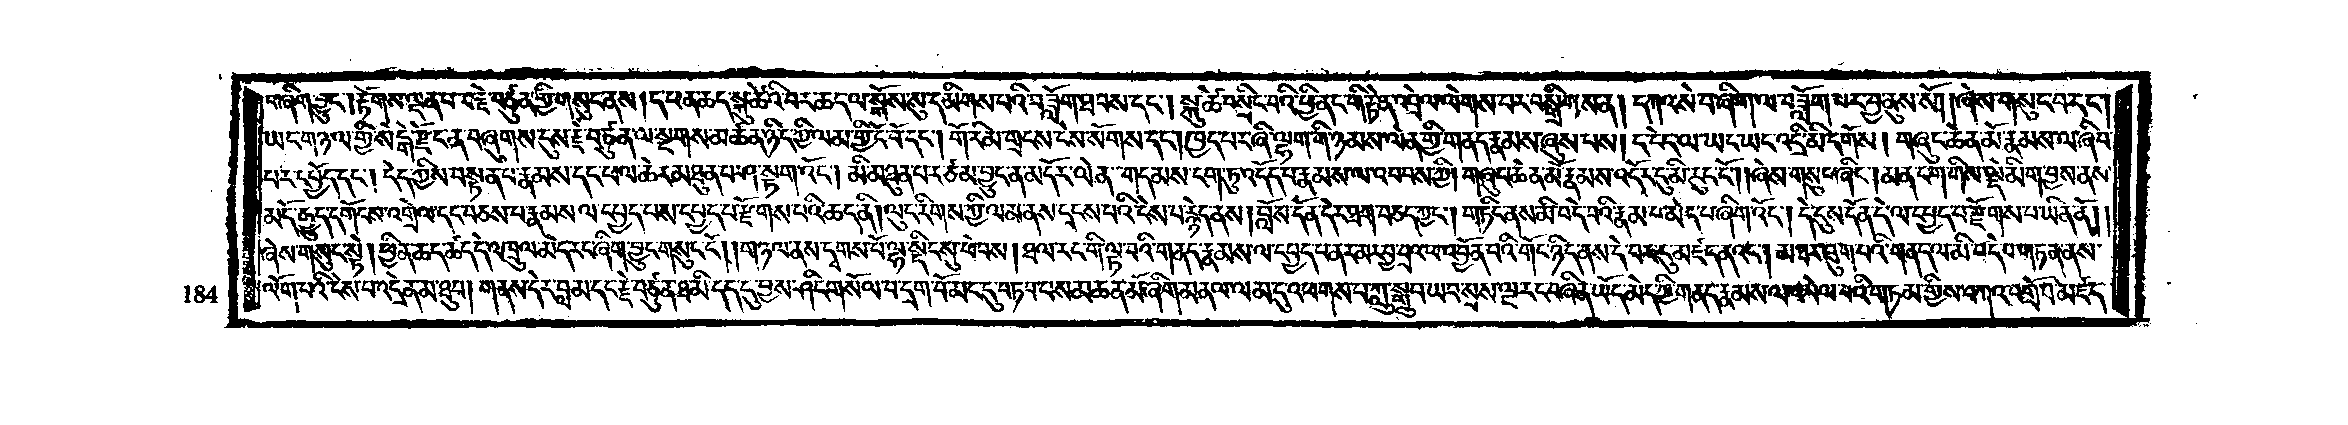པ་ཞིག་བྱུང་། རྟོགས་ལྡན་པ་བརྗེ་བཙུན་གྱི་གསུང་ནས། ད་ཕན་ཆད་སྐུ་ཚེའི་བར་ཆད་ལ་སྒོས་སུ་དམིགས་པའི་བཟློག་ཐབས་དང་། སྐུ་ཚེ་བསྲིང་བའི་ཕྱི་ནང་གི་རྟེན་འབྲེལ་ལེགས་པར་བསྒྲིགས་ན། དཀའ་སེ་བ་ཞིག་ལ་བཟློག་པར་བྱ་ནུས་སོ། །ཞེས་གསུང་བ་དང་།
ཡང་གཉལ་གྱི་སེངྒེ་རྫོང་ན་བཞུགས་དུས་རྗེ་བཙུན་ལ་སྔགས་མཚན་ཉིད་ཀྱི་ལམ་གྱི་ངོ་བོ་དང་། གོ་རིམ་གྲངས་ངེས་སོགས་དང་། ཁྱད་པར་ཞི་ལྷག་གི་ཉམས་ལེན་གྱི་གནད་རྣམས་ཞུས་པས། ད་ངེད་ལ་ཡང་ཡང་འདྲི་མི་དགོས། གཞུང་ཆེན་མོ་རྣམས་ལ་ཞིབ་
པར་དཔྱོད་དང་། དེད་ཀྱིས་བསྟན་པ་རྣམས་དང་ཕལ་ཆེར་མཐུན་པ་ཤ་སྟག་འོང་། མི་མཐུན་པར་ཙམ་བྱུང་ན་མདོར་ལེན་གདམས་ངག་ཏུ་འདོད་པ་རྣམས་ལ་འབབས་ཀྱི། གཞུང་ཆེན་མོ་རྣམས་འདོར་དུ་མི་རུང་ངོ། །ཞེས་གསུང་ཞིང་། མན་ངག་གིས་ལྡེ་མིག་བྱས་ནས་
མདོ་རྒྱུད་དགོངས་འགྲེལ་དང་བཅས་པ་རྣམས་ལ་དཔྱད་པས་དཔྱད་པ་རྫོགས་པའི་ཆད་ནི། ལུང་རིགས་ཀྱི་ལམ་ནས་དྲངས་པའི་ངེས་པ་རྙེད་ནས། བློ་ས་དོན་དེར་ཐག་བཅད་ཀྱང་། གཏིང་ནས་མི་བདེ་བའི་རྣམ་པ་མེད་པ་ཞིག་འོང་། དེ་དུས་དོན་དེ་ལ་དཔྱད་པ་རྫོགས་པ་ཡིན་ནོ། །
ཞེས་གསུང་སྟེ། ཕྱིན་ཆད་ཚད་དེ་འཁྲུལ་མེད་རང་ཞིག་བྱུང་གསུང་ངོ། །གཉལ་ནས་དྭགས་པོ་ལྷ་སྡིངས་སུ་ཕེབས། ཐལ་རང་གི་ལྟ་བའི་གནད་རྣམས་ལ་དཔྱད་པ་ནར་མར་བྱ་བྲལ་ལ་འབྱོན་པའི་གོང་ཉིད་ནས་དེ་བར་དུ་མཛད་ནའང་། མཐར་ཐུག་པའི་གནད་ལ་མི་བདེ་བ་གཏན་ནས་
ལོག་པའི་ངེས་པ་འདྲེན་མ་ཐུབ། གནས་དེར་བླ་མ་དང་རྗེ་བཙུན་ཐ་མི་དད་དུ་བྱས་ཤིང་གསོལ་བ་དྲག་པོ་མང་དུ་བཏབ་པས་མཚན་མོ་ཞིག་མནལ་ལམ་དུ་འཕགས་པ་ཀླུ་སྒྲུབ་ཡབ་སྲས་ལྔ་རང་བཞིན་ཡོད་མེད་ཀྱི་གནད་རྣམས་ལ་འཕེལ་བའི་གཏམ་གྱིས་བཀའ་བགྲོ་བ་མཛད་